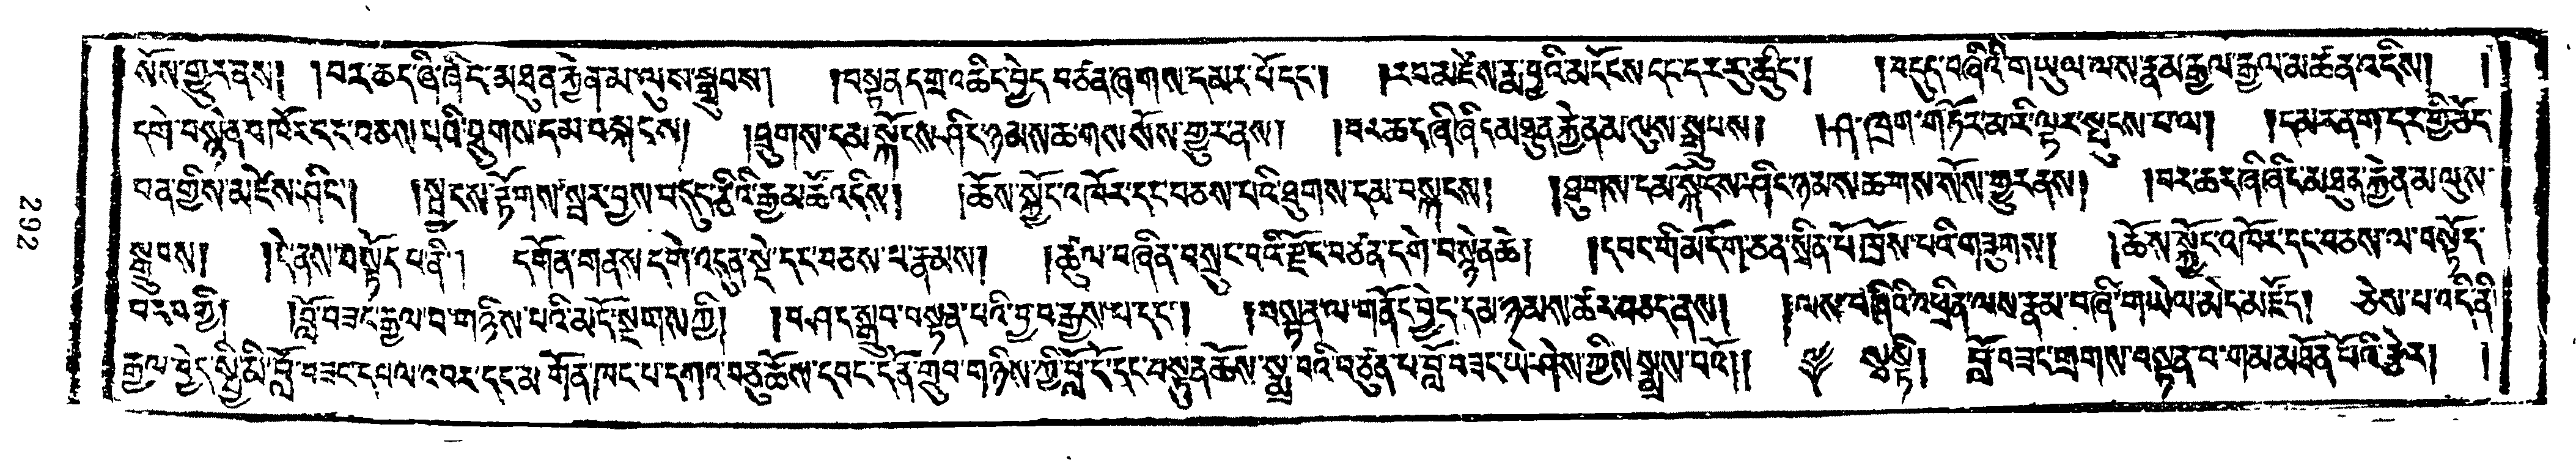སོས་གྱུར་ནས། །བར་ཆད་ཞི་ཞིང་མཐུན་རྐྱེན་མ་ལུས་སྒྲུབས། །བསྟན་དགྲ་འཆིང་བྱེད་བཙན་ཞགས་དམར་པོ་དང་། །རབ་མཛེས་རྨ་བྱའི་མདོངས་དང་དར་རུ་ཆིང་། །བདུད་བཞིའི་གཡུལ་ལས་རྣམ་རྒྱལ་རྒྱལ་མཚན་འདིས། །
དགེ་བསྙེན་འཁོར་དང་བཅས་པའི་ཐུགས་དམ་བསྐངས། །ཐུགས་དམ་སྐོངས་ཤིང་ཉམས་ཆགས་སོས་གྱུར་ནས། །བར་ཆད་ཞི་ཞིང་མཐུན་རྐྱེན་མ་ལུས་སྒྲུབས། །ཤ་ཁྲག་གཏོར་མ་རི་ལྟར་སྤུངས་པ་ལ། །དམར་ནག་དར་གྱི་ཅོད་
བན་གྱིས་མཛེས་ཤིང་། །སྤྱངས་རྟོགས་སྦར་བྱས་བདུད་རྩིའི་རྒྱ་མཚོ་འདིས། །ཆོས་སྐྱོང་འཁོར་དང་བཅས་པའི་ཐུགས་དམ་བསྐངས། །ཐུགས་དམ་སྐོངས་ཤིང་ཉམས་ཆགས་སོས་གྱུར་ནས། །བར་ཆར་ཞི་ཞིང་མཐུན་རྐྱེན་མ་ལུས་
སྒྲུབས། །དེ་ནས་བསྟོད་པ་ནི། དགོན་གནས་དགེ་འདུན་སྡེ་དང་བཅས་པ་རྣམས། །ཚུལ་བཞིན་བསྲུང་བའི་རྫོང་བཙན་དགེ་བསྙེན་ཆེ། །དབང་གི་མདོག་ཅན་སྲིན་པོ་ཁྲོས་པའི་གཟུགས། །ཆོས་སྐྱོང་འཁོར་དང་བཅས་ལ་བསྟོད་
བ་རབ་གྱི། །བློ་བཟང་རྒྱལ་བ་གཉིས་པའི་མདོ་སྔགས་ཀྱི། །བཤད་སྒྲུབ་བསྟན་པའི་བྱ་བ་རྒྱས་པ་དང་། །བསྟན་ལ་གནོད་བྱེད་དམ་ཉམས་ཚར་བཅད་ནས། །ལས་བཞིའི་འཕྲིན་ལས་རྣམ་བཞི་གཡེལ་མེད་མཛོད། ཅེས་པ་འདི་ནི་
རྒྱལ་བྱེད་སྤྱི་མི་བློ་བཟང་དཔལ་འབར་དང་མགོན་ཁང་པ་དཀའ་བཅུ་ཆོས་དབང་དོན་གྲུབ་གཉིས་ཀྱི་བློ་དོ་དང་བསྟུན་ཆོས་སྨྲ་བའི་བཙུན་པ་བློ་བཟང་ཡེ་ཤེས་ཀྱིས་སྨྲས་པའོ།། ༈ སྭསྟི། བློ་བཟང་གྲགས་བསྟན་བ་གམ་མཐོན་པོའི་རྩེར། །